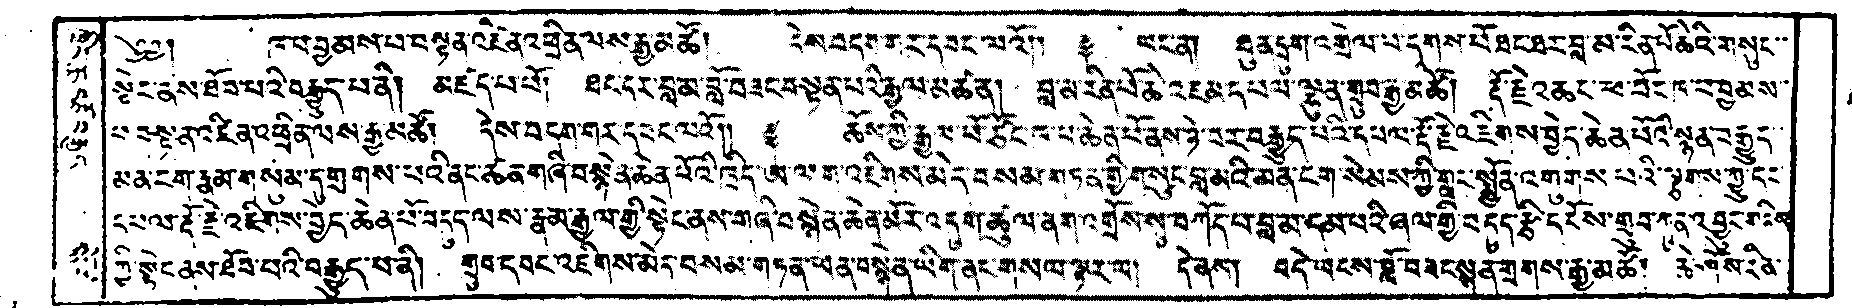༄༅། །ཁ་པ་བྱམས་པ་བསྟན་འཛིན་འཕྲིན་ལས་རྒྱ་མཚོ། དེས་བདག་གར་དབང་ལའོ།། ༈ ཡང་ན། ཐུན་དྲུག་འགྲེལ་པ་དྭགས་པོ་ཐང་ཐར་བླ་མ་རིན་པོ་ཆེའི་གསུང་
སྟེང་ནས་ཐོབ་པའི་བརྒྱུད་པ་ནི། མཛད་པ་པོ། ཐང་དར་བླ་མ་བློ་བཟང་བསྟན་པའི་རྒྱལ་མཚན། བླ་མ་རིན་པོ་ཆེ་འཇམ་དཔལ་ལྷུན་གྲུབ་རྒྱ་མཚོ། རྡོ་རྗེ་འཆང་ཕ་བོང་ཁ་པ་བྱམས་
པ་བསྟན་འཛིན་འཕྲིན་ལས་རྒྱ་མཚོ། དེས་བདག་གར་དབང་ལའོ།། ༈ ཆོས་ཀྱི་རྒྱལ་པོ་ཙོང་ཁ་པ་ཆེན་པོ་ནས་ཉེ་བར་བརྒྱུད་པའི་དཔལ་རྡོ་རྗེ་འཇིགས་བྱེད་ཆེན་པོའི་སྙན་བརྒྱུད་
མན་ངག་རྣམ་གསུམ་དུ་གྲགས་པའི་ནང་ཚན་གཞི་བསྙེན་ཆེན་པོའི་ཁྲིད་ཨ་ལག་འཇིགས་མེད་བསམ་གཏན་གྱི་གསུང་བླ་མའི་མན་ངག་སེམས་ཀྱི་གླང་སྨྱོན་འགུགས་པའི་ལྕགས་ཀྱུ་དང་
དཔལ་རྡོ་རྗེ་འཇིགས་བྱེད་ཆེན་པོ་བདུད་ལས་རྣམ་རྒྱལ་གྱི་སྟེང་ནས་གཞི་བསྙེན་ཆེན་མོར་འདུག་ཚུལ་ནག་འགྲོས་སུ་བཀོད་པ་བླ་མ་དམ་པའི་ཞལ་གྱི་བདུད་རྩི་དངོས་གྲུབ་ཀུན་འབྱུང་གཉིས་
ཀྱི་སྟེང་ནས་ཐོབ་པའི་བརྒྱུད་པ་ནི། གྲུབ་དབང་འཇིགས་མེད་བསམ་གཏན་ཡན་བསྙེན་ཡིག་ནང་གསལ་ལྟར་ལ། དེ་ནས། བདེ་ཡངས་བློ་བཟང་སྙན་གྲགས་རྒྱ་མཚོ། ཆེ་ཤོས་རིན་